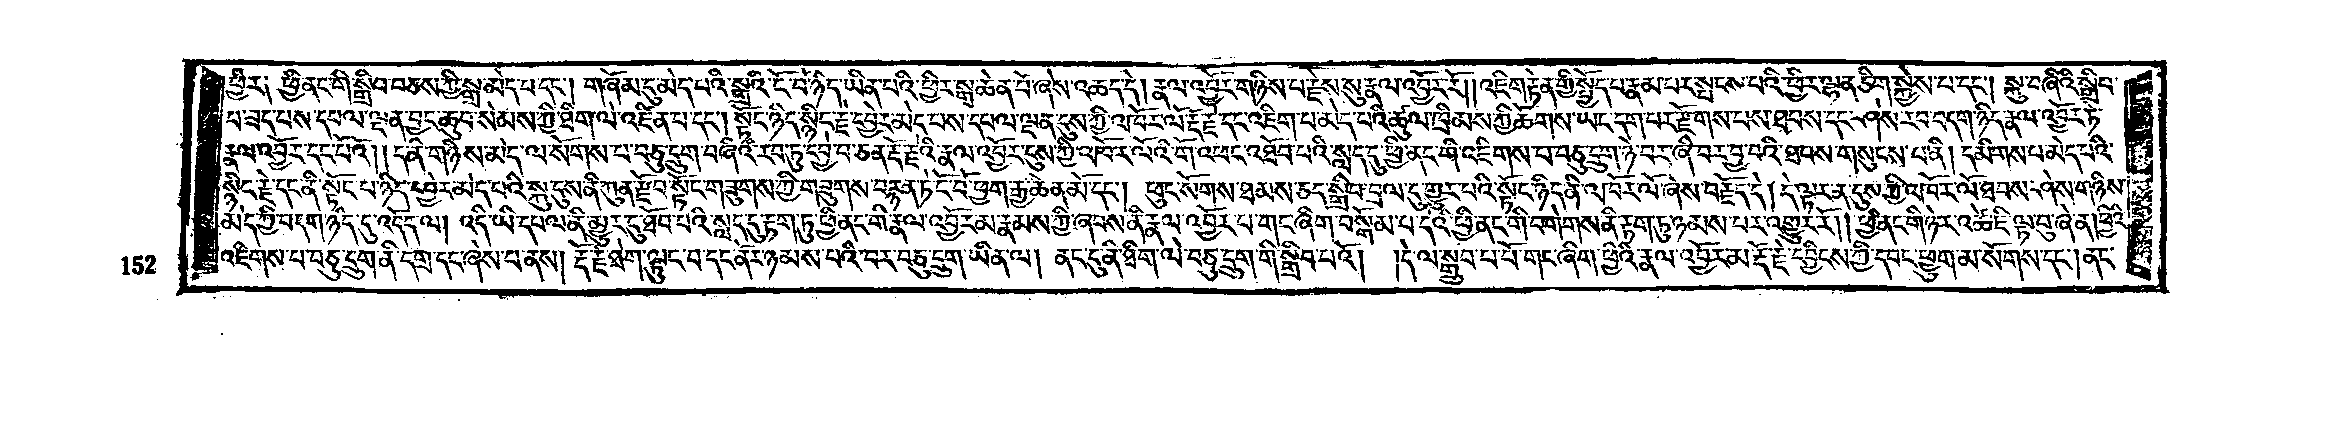ཕྱིར། ཕྱི་ནང་གི་སྒྲིབ་བཅས་ཀྱི་སྒྲ་མེད་པ་དང་།གཞོམ་དུ་མེད་པའི་སྒྲའི་ངོ་བོ་ཉིད་ཡིན་པའི་ཕྱིར་སྒྲ་ཆེན་པོ་ཞེས་འཆད་དེ། རྣལ་འབྱོར་གཉིས་པ་རྗེས་སུ་རྣལ་འབྱོར་རོ། །འཇིག་རྟེན་གྱི་སྤྱོད་པ་རྣམ་པར་སྤངས་པའི་ཕྱིར་ལྷན་ཅིག་སྐྱེས་པ་དང་།སྐུ་བཞིའི་སྒྲིབ་
པ་ཟད་པས་དཔལ་ལྡན་བྱང་ཆུབ་སེམས་ཀྱི་ཐིག་ལེ་འཛིན་པ་དང་།སྟོང་ཉིད་སྙིང་རྗེ་དབྱེར་མེད་པས་དཔལ་ལྡན་དུས་ཀྱི་འཁོར་ལོ་རྡོ་རྗེ་དང་འཇིག་པ་མེད་པའི་ཚུལ་ཁྲིམས་ཀྱི་ཚོགས་ཡང་དག་པར་རྫོགས་པས་ཐབས་དང་ཤེས་རབ་བདག་ཉིད་རྣལ་འབྱོར་ཏེ་
རྣལ་འབྱོར་དང་པོའོ། །ད་ནི་གཉིས་མེད་ལ་སོགས་པ་བཅུ་དྲུག་བཞིའི་རབ་ཏུ་དབྱེ་བ་ཅན་རྡོ་རྗེའི་རྣལ་འབྱོར་དུས་ཀྱི་འཁོར་ལོའི་གོ་འཕང་འཐོབ་པའི་སླད་དུ་ཕྱི་ནང་གི་འཇིགས་པ་བཅུ་དྲུག་ཉེ་བར་ཞི་བར་བྱ་བའི་ཐབས་གསུངས་པ་ནི། དམིགས་པ་མེད་པའི་
སྙིང་རྗེ་དང་ནི་སྟོང་པ་ཉིད་དབྱེར་མེད་པའི་སྐུ་དུས་ནི་ཀུན་རྫོབ་སྟོང་གཟུགས་ཀྱི་གཟུགས་བརྙན་ཏེ་ངོ་བོ་ཕྱག་རྒྱ་ཆེན་མོ་དང་།ཕུང་སོགས་ཐམས་ཅད་སྒྲིབ་བྲལ་དུ་གྱུར་པའི་སྟོང་ཉིད་ནི་འཁོར་ལོ་ཞེས་བརྗོད་དེ། དེ་ལྟར་ན་དུས་ཀྱི་འཁོར་ལོ་ཐབས་ཤེས་གཉིས་
མེད་ཀྱི་བདག་ཉིད་དུ་འདོད་ལ། འདི་ཡི་དཔལ་ནི་མྱུར་དུ་ཐོབ་པའི་སླད་དུ་རྟག་ཏུ་ཕྱི་ནང་གི་རྣལ་འབྱོར་མ་རྣམས་ཀྱི་ཞབས་ནི་རྣལ་འབྱོར་པ་གང་ཞིག་བསྒོམ་པ་དེའི་ཕྱི་ནང་གི་བགེགས་ནི་རྟག་ཏུ་ཉམས་པར་འགྱུར་རོ། །ཕྱི་ནང་གི་ཉེར་འཚེ་ཇི་ལྟ་བུ་ཞེ་ན། ཕྱིའི་
འཇིགས་པ་བཅུ་དྲུག་ནི་དགྲ་དང་ཞེས་པ་ནས། རྡོ་རྗེ་ཐེག་ལྟུང་བ་དང་ནོར་ཉམས་པའི་བཅུ་དྲུག་ཡིན་ལ། ནང་དུ་ནི་ཐིག་ལེ་བཅུ་དྲུག་གི་སྒྲིབ་པའོ། །དེ་ལ་སྒྲུབ་པ་པོ་གང་ཞིག་ཕྱིའི་རྣལ་འབྱོར་མ་རྡོ་རྗེ་དབྱིངས་ཀྱི་དབང་ཕྱུག་མ་སོགས་དང་ནང་།